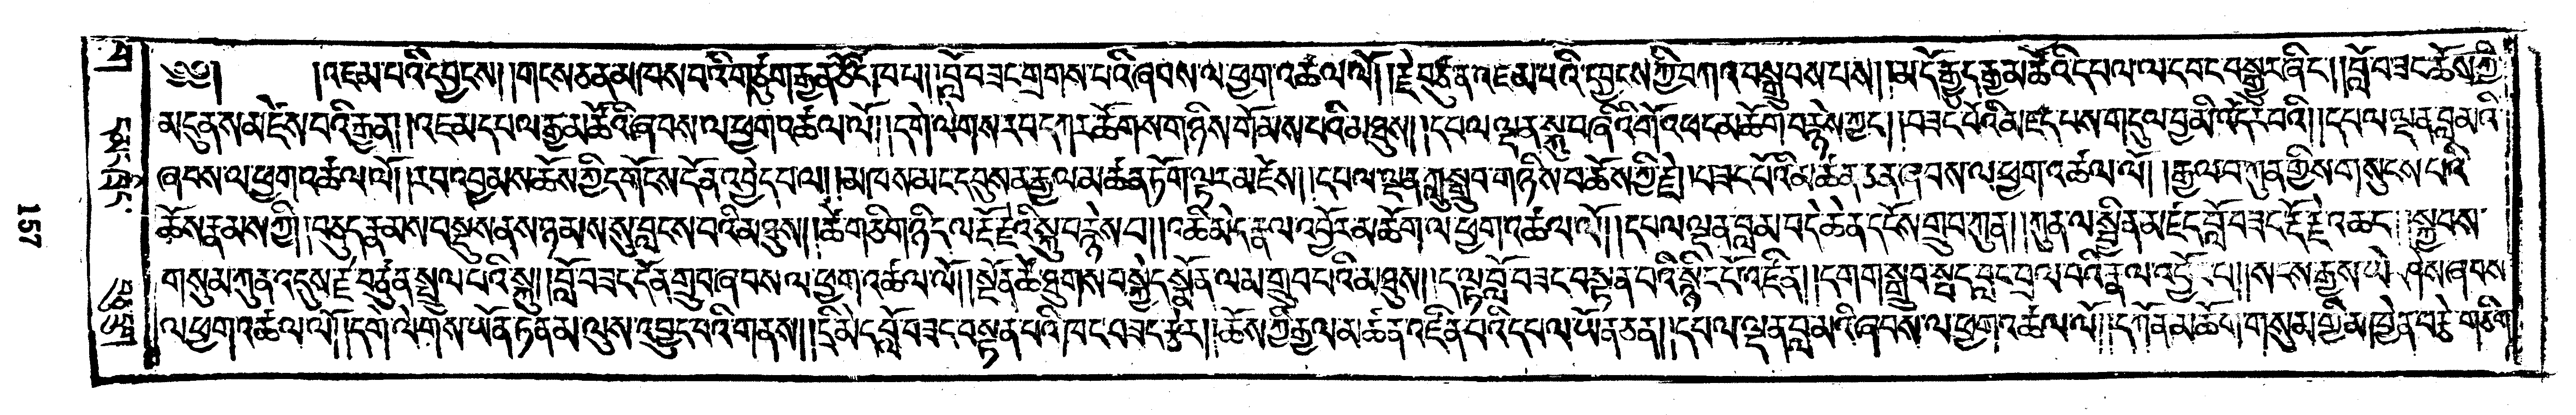༄༅། །འཇམ་པའི་དབྱངས། །གངས་ཅན་མཁས་པའི་གཙུག་རྒྱན་ཙོང་ཁ་པ། །བློ་བཟང་གྲགས་པའི་ཞབས་ལ་ཕྱག་འཚལ་ལོ། །རྗེ་བཙུན་འཇམ་པའི་དབྱངས་ཀྱི་བཀའ་བསྒྲུབས་པས། །མདོ་རྒྱུད་རྒྱ་མཚོའི་དཔལ་ལ་དབང་བསྒྱུར་ཞིང་། །བློ་བཟང་ཆོས་ཀྱི་
མདུན་ས་མཛེས་པའི་རྒྱན། །འཇམ་དཔལ་རྒྱ་མཚོའི་ཞབས་ལ་ཕྱག་འཚལ་ལོ། །དགེ་ལེགས་རབ་དཀར་ཚོགས་གཉིས་གོམས་པའི་མཐུས། །དཔལ་ལྡན་སྐུ་བཞིའི་གོ་འཕང་མཆོག་བརྙེས་ཀྱང་། །བཟང་པོའི་མཛད་པས་གདུལ་བྱ་མི་འདོར་བའི། །དཔལ་ལྡན་བླ་མའི་
ཞབས་ལ་ཕྱག་འཚལ་ལོ། །རབ་འབྱམས་ཆོས་ཀྱི་དགོངས་དོན་འབྱེད་པ་ལ། །མཁས་མང་དབུས་ན་རྒྱལ་མཚན། ཏོག་ལྟར་མཛེས། །དཔལ་ལྡན་ཀླུ་སྒྲུབ་གཉིས་པ་ཆོས་ཀྱི་རྗེ། །བཟང་པོའི་མཚན་ཅན་ཞབས་ལ་ཕྱག་འཚལ་ལོ། །རྒྱལ་བ་ཀུན་གྱིས་གསུངས་པའི་
ཆོས་རྣམས་ཀྱི། །བཅུད་རྣམས་བསྡུས་ནས་ཉམས་སུ་བླངས་པའི་མཐུས། །ཚེ་གཅིག་ཉིད་ལ་རྡོ་རྗེའི་སྐུ་བརྙེས་པ། །འཆི་མེད་རྣལ་འབྱོར་མཆོག་ལ་ཕྱག་འཚལ་ལོ། །དཔལ་ལྡན་བླ་མ་བདེ་ཆེན་དངོས་གྲུབ་ཀུན། །ཀུན་ལ་སྦྱིན་མཛད་བློ་བཟང་རྡོ་རྗེ་འཆང་། །སྐྱབས་
གསུམ་ཀུན་འདུས་རྗེ་བཙུན་སྤྲུལ་པའི་སྐུ། །བློ་བཟང་དོན་གྲུབ་ཞབས་ལ་ཕྱག་འཚལ་ལོ། །སྔོན་ཚེ་ཐུགས་བསྐྱེད་སྨོན་ལམ་གྲུབ་པའི་མཐུས། །ད་ལྟ་བློ་བཟང་བསྟན་པའི་སྙིང་པོ་འཛིན། །དགག་སྒྲུབ་སྤང་བླང་བྲལ་བའི་རྣལ་འབྱོར་པ། །སངས་རྒྱས་ཡེ་ཤེས་ཞབས་
ལ་ཕྱག་འཚལ་ལོ། །དགེ་ལེགས་ཡོན་ཏན་མ་ལུས་འབྱུང་བའི་གནས། །དྲི་མེད་བློ་བཟང་བསྟན་པའི་ཁང་བཟང་རྩེར། །ཆོས་ཀྱི་རྒྱལ་མཚན་འཛིན་པའི་དཔལ་ཡོན་ཅན། །དཔལ་ལྡན་བླ་མའི་ཞབས་ལ་ཕྱག་འཚལ་ལོ། །དཀོན་མཆོག་གསུམ་གྱི་མཁྱེན་བརྩེ་གཅིག་